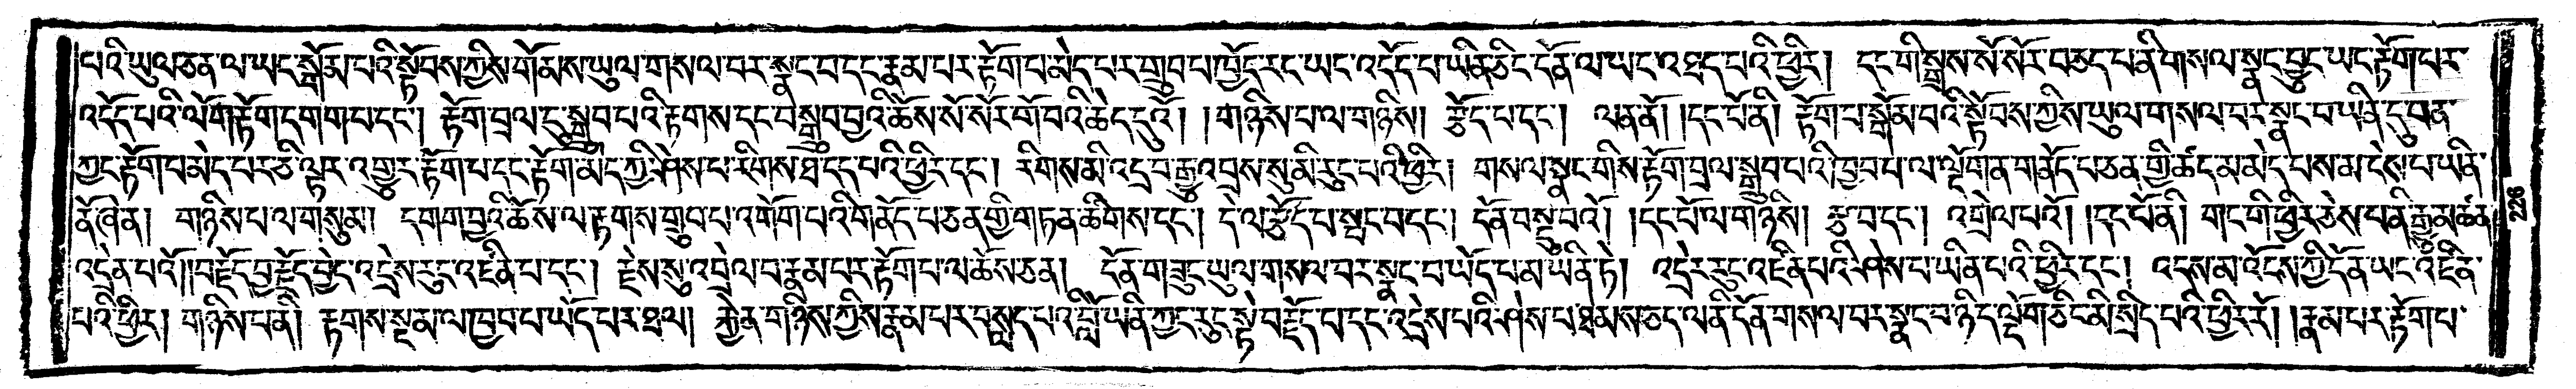པའི་ཡུལ་ཅན་ལ་ཡང་སྒོམ་པའི་སྟོབས་ཀྱིས་གོམས་ཡུལ་གསལ་བར་སྣང་བ་དང་རྣམ་པར་རྟོག་པ་མེད་པར་གྲུབ་པ་ཁྱོད་རང་ཡང་འདོད་པ་ཡིན་ཅིང་དོན་ལ་ཡང་འཐད་པའི་ཕྱིར། དང་གི་སྒྲས་སོ་སོར་བཅད་པ་ནི་གསལ་སྣང་བྱུང་ཡང་རྟོག་པར་
འདོད་པའི་ལོག་རྟོག་དགག་པ་དང་། རྟོག་བྲལ་དུ་སྒྲུབ་པའི་རྟགས་དང་བསྒྲུབ་བྱའི་ཆོས་སོ་སོར་གོ་བའི་ཆེད་དུའོ། །གཉིས་པ་ལ་གཉིས། རྩོད་པ་དང་། ལན་ནོ། །དང་པོ་ནི། རྟོག་པ་སྒོམ་པའི་སྟོབས་ཀྱིས་ཡུལ་གསལ་བར་སྣང་བ་ཡིན་དུ་བ་ན་
ཀྱང་རྟོག་པ་མེད་པར་ཅི་ལྟར་འགྱུར་རྟོག་པ་དང་རྟོག་མེད་ཀྱི་ཤེས་པ་རིགས་ཐ་དད་པའི་ཕྱིར་དང་། རིགས་མི་འདྲ་བ་རྒྱུ་འབྲས་སུ་མི་རུང་བའི་ཕྱིར། གསལ་སྣང་གིས་རྟོག་བྲལ་སྒྲུབ་པའི་ཁྱབ་པ་ལ་ལྡོག་ན་གནོད་པ་ཅན་གྱི་ཚད་མ་མེད་པས་མ་ངེས་པ་ཡིན་
ནོ་ཞེ་ན། གཉིས་པ་ལ་གསུམ། དགག་བྱའི་ཆོས་ལ་རྟགས་གྲུབ་པ་འགོག་པའི་གནོད་པ་ཅན་གྱི་གཏན་ཚིགས་དང་། དེ་ལ་རྩོད་པ་སྤང་བ་དང་། དོན་བསྡུ་བའོ། །དང་པོ་ལ་གཉིས། རྩ་བ་དང་། འགྲེལ་པའོ། །དང་པོ་ནི། གང་གི་ཕྱིར་ཅེས་པ་ནི་རྒྱུ་མཚན་
འདྲེན་པའོ། །བརྗོད་བྱ་རྗོད་བྱེད་འདྲེས་རུང་འཛིན་པ་དང་། རྗེས་སུ་འབྲེལ་བ་རྣམ་པར་རྟོག་པ་ལ་ཆོས་ཅན། དོན་གཟུང་ཡུལ་གསལ་བར་སྣང་བ་ཡོད་པ་མ་ཡིན་ཏེ། འདྲེར་རུང་འཛིན་པའི་ཤེས་པ་ཡིན་པའི་ཕྱིར་དང་། འདས་མ་འོངས་ཀྱི་དོན་ཡང་འཛིན་
པའི་ཕྱིར། གཉིས་པ་ནི། རྟགས་སྔ་མ་ལ་ཁྱབ་པ་ཡོད་པར་ཐལ། རྐྱེན་གཉིས་ཀྱིས་རྣམ་པར་བསླད་པའི་བློ་ཡིན་ཀྱང་རུང་སྟེ་བརྗོད་པ་དང་འདྲེས་པའི་ཤེས་པ་ཐམས་ཅད་ལ་ནི་དོན་གསལ་བར་སྣང་བ་ཉིད་ལྡོག་ཅིང་མི་སྲིད་པའི་ཕྱིར་རོ། །རྣམ་པར་རྟོག་པ་